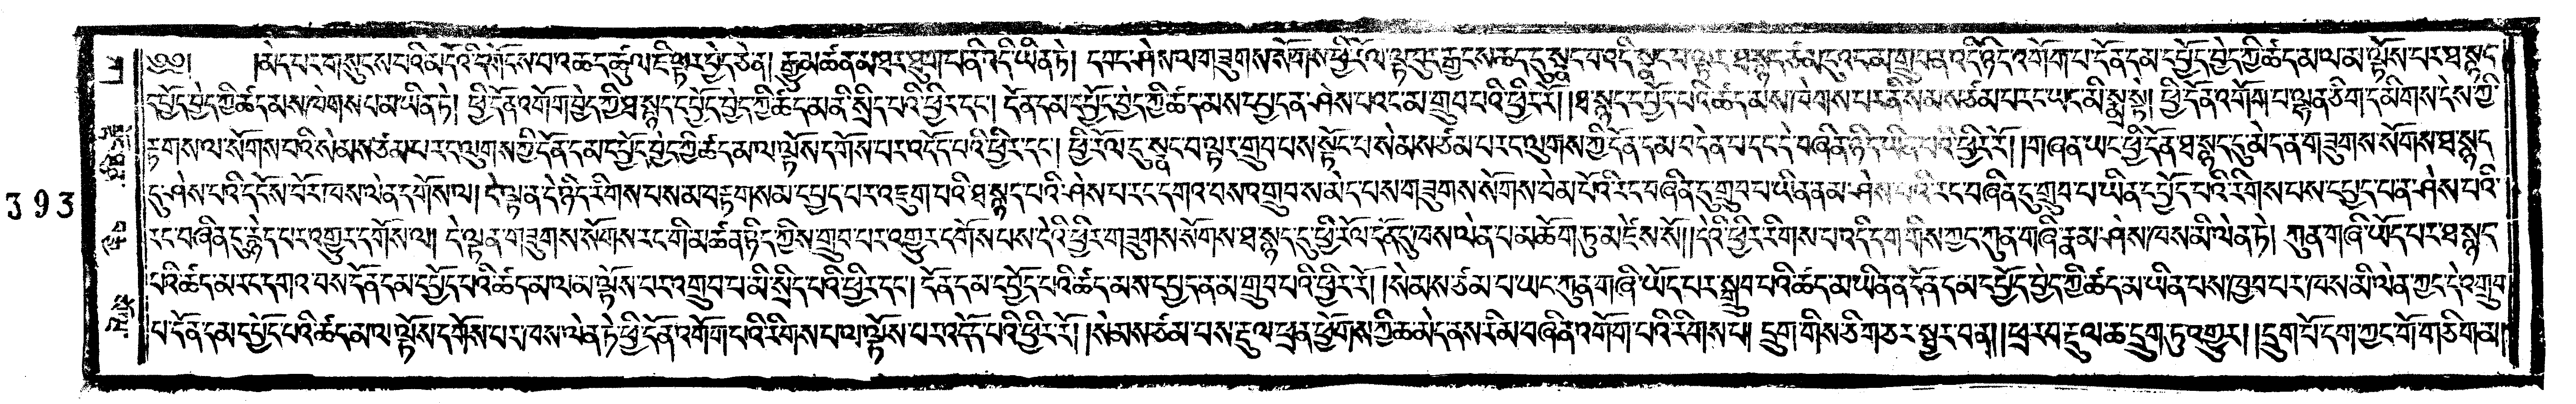༄༅། །མེད་པར་གསུངས་བའི་མདོའི་དགོངས་བ་འཆད་ཚུལ་ཇི་ལྟར་བྱེད་ཅེ་ན། རྒྱུ་མཚན་མཐར་ཐུག་པ་ནི་འདི་ཡིན་ཏེ། དབང་ཤེས་ལ་གཟུགས་སོགས་ཕྱི་རོལ་ལྟ་བུར་རྒྱངས་ཆད་དུ་སྣང་བ་འདི་སྣང་བ་ལྟར་ཐ་སྙད་ཙམ་དུའང་མ་གྲུབ་ན་འདི་ཉིད་འགོག་པ་དོན་དམ་དཔྱོད་བྱེད་ཀྱི་ཚད་མ་ལ་མ་ལྟོས་པར་ཐ་སྙད་
དཔྱོད་བྱེད་ཀྱི་ཚད་མས་ཁེགས་པ་མ་ཡིན་ཏེ། ཕྱི་དོན་འགོག་བྱེད་ཀྱི་ཐ་སྙད་དཔྱོད་བྱེད་ཀྱི་ཚད་མ་ནི་སྲིད་པའི་ཕྱིར་དང་། དོན་དམ་སྤྱོད་བྱེད་ཀྱི་ཚད་མས་དཔྱད་ན་ཤེས་པའང་མ་གྲུབ་པའི་ཕྱིར་རོ། །ཐ་སྙད་དཔྱོད་པའི་ཚད་མས་ཁེགས་པར་ནི་སེམས་ཙམ་པ་རང་ཡང་མི་སྨྲ་སྟེ། ཕྱི་དོན་འགོག་པ་ལྷན་ཅིག་དམིགས་དེས་ཀྱི་
རྟགས་ལ་སོགས་བའི་སེམས་ཙམ་པ་རང་ལུགས་ཀྱི་དོན་དམ་དཔྱོད་བྱེད་ཀྱི་ཚད་མ་ལ་ལྟོས་དགོས་པར་འདོད་པའི་ཕྱིར་དང་། ཕྱི་རོལ་དུ་སྣང་བ་ལྟར་གྲུབ་པས་སྟོང་པ་སེམས་ཙམ་པ་རང་ལུགས་ཀྱི་དོན་དམ་བདེན་པ་དང་དེ་བཞིན་ཉིད་ཡིན་པའི་ཕྱིར་རོ། །གཞན་ཡང་ཕྱི་དོན་ཐ་སྙད་དུ་མེད་ན་གཟུགས་སོགས་ཐ་སྙད་
དུ་ཤེས་པའི་དངོས་བོར་ཁས་ལེན་དགོས་ལ། དེ་ལྟ་ན་དེ་ཉིད་རིགས་པས་མ་བརྟགས་མ་དཔྱད་པར་འཇུག་པའི་ཐ་སྙད་པའི་ཤེས་པ་རང་དགའ་བས་འགྲུབ་ས་མེད་པས་གཟུགས་སོགས་བེམ་པོའི་རང་བཞིན་དུ་གྲུབ་པ་ཡིན་ནམ་ཤེས་པའི་རང་བཞིན་དུ་གྲུབ་པ་ཡིན་དཔྱོད་པའི་རིགས་པས་དཔྱད་པ་ན་ཤེས་པའི་
རང་བཞིན་དུ་རྙེད་པར་འགྱུར་དགོས་ལ། དེ་ལྟ་ན་གཟུགས་སོགས་རང་གི་མཚན་ཉིད་ཀྱིས་གྲུབ་པར་འགྱུར་དགོས་པས་དེའི་ཕྱིར་གཟུགས་སོགས་ཐ་སྙད་དུ་ཕྱི་རོལ་དོན་དུ་ཁས་ལེན་པ་མཆོག་ཏུ་མཛེས་སོ། །དེའི་ཕྱིར་རིགས་པ་འདི་དག་གིས་ཀྱང་ཀུན་གཞི་རྣམ་ཤེས་ཁས་མི་ལེན་ཏེ། ཀུན་གཞི་ཡོད་པར་ཐ་སྙད་
པའི་ཚད་མ་རང་དགའ་བས་དོན་དམ་དཔྱོད་པའི་ཚད་མ་ལམ་ལྟོས་པར་འགྲུབ་པ་མི་སྲིད་པའི་ཕྱིར་དང་། དོན་དམ་དཔྱོད་པའི་ཚད་མས་དཔྱད་ན་མ་གྲུབ་པའི་ཕྱིར་རོ། །སེམས་ཙམ་པ་ཡང་ཀུན་གཞི་ཡོད་པར་སྒྲུབ་པའི་ཚད་མ་ཡིན་ན་དོན་དམ་དཔྱོད་བྱེད་ཀྱི་ཚད་མ་ཡིན་པས་ཁྱབ་པར་ཁས་མི་ལེན་ཀྱང་དེ་འགྲུབ་
པ་དོན་དམ་དཔྱོད་པའི་ཚད་མ་ལ་ལྟོས་དགོས་པར་ཁས་ལེན་ཏེ་ཕྱི་དོན་འགོག་པའི་རིགས་པ་ལ་ལྟོས་པར་འདོད་པའི་ཕྱིར་རོ། །སེམས་ཙམ་པས་རྡུལ་ཕྲན་ཕྱོགས་ཀྱི་ཆ་མེད་ནས་རིམ་བཞིན་འགོག་པའི་རིགས་པ། དྲུག་གིས་ཅིག་ཅར་སྦྱར་བ་ན། །ཕྲ་རབ་རྡུལ་ཆ་དྲུག་ཏུ་འགྱུར། །དྲུག་པོ་དག་ཀྱང་གོ་གཅིག་མ།